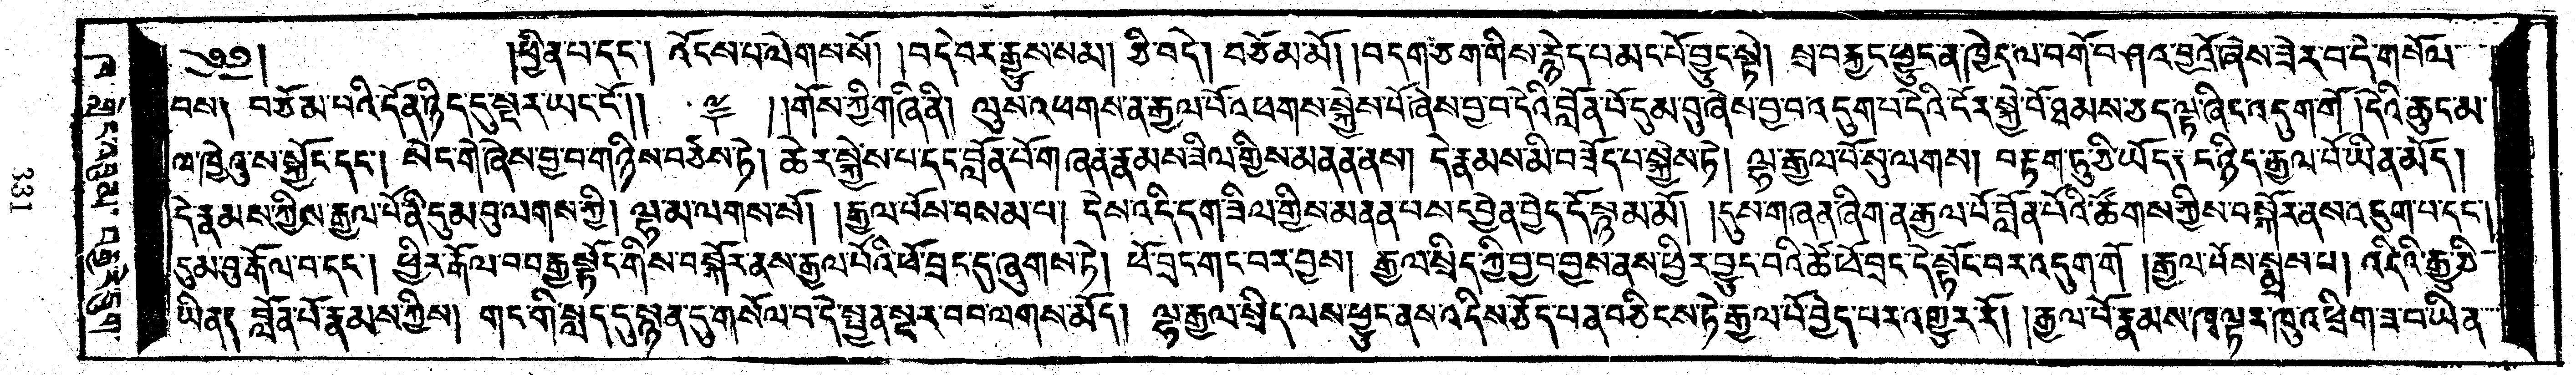༄༅། །ཕྱིན་པ་དང་། འོངས་པ་ལེགས་སོ། །བདེ་བར་རྒྱུས་སམ། ཅི་བདེ། བཅོམ་མོ། །བདག་ཅག་གིས་རྙེད་པ་མང་པོ་བྱུང་སྟེ། སྲ་བརྐྱང་ཕྱུང་ན་ཁྱེད་ལ་བགོ་བཤའ་བྱའོ་ཞེས་ཟེར་བ་དེ་གསོལ་
བས། བཅོམ་པའི་དོན་ཉིད་དུ་སྔར་ཡང་ངོ།། ༈ །།གོས་ཀྱི་གཞི་ནི། ལུས་འཕགས་ན་རྒྱལ་པོ་འཕགས་སྐྱེས་པོ་ཞེས་བྱ་བ་དེའི་བློན་པོ་དུམ་བུ་ཞེས་བྱ་བ་འདུག་པ་དེའི་ངོར་སྐྱེ་བོ་ཐམས་ཅད་ལྟ་ཞིང་འདུག་གོ །དེའི་ཆུང་མ་
ལ་ཁྱེའུ་ས་སྐྱོང་དང་། སེང་གེ་ཞེས་བྱ་བ་གཉིས་བཙས་ཏེ། ཆེར་སྐྱེས་པ་དང་བློན་པོ་གཞན་རྣམས་ཟིལ་གྱིས་མནན་ནས། དེ་རྣམས་མི་བཟོད་པ་སྐྱེས་ཏེ། ལྷ་རྒྱལ་པོ་སུ་ལགས། བརྟག་ཏུ་ཅི་ཡོད༑ ང་ཉིད་རྒྱལ་པོ་ཡིན་མོད།
དེ་རྣམས་ཀྱིས་རྒྱལ་པོ་ནི་དུམ་བུ་ལགས་ཀྱི། ལྷ་མ་ལགས་སོ། །རྒྱལ་པོས་བསམ་པ། དེས་འདི་དག་ཟིལ་གྱིས་མནན་པས་དབྱེན་བྱེད་དོ་སྙམ་མོ། །དུས་གཞན་ཞིག་ན་རྒྱལ་པོ་བློན་པོའི་ཚོགས་ཀྱིས་བསྐོར་ནས་འདུག་པ་དང་།
དུམ་བུ་རྒོལ་བ་དང་། ཕྱིར་རྒོལ་བ་བརྒྱ་སྟོང་གིས་བསྐོར་ནས་རྒྱལ་པོའི་ཕོ་བྲང་དུ་ཞུགས་ཏེ། ཕོ་བྲང་གང་བར་བྱས། རྒྱལ་སྲིད་ཀྱི་བྱ་བ་བྱས་ནས་ཕྱིར་བྱུང་བའི་ཚེ་ཕོ་བྲང་དེ་སྟོང་པར་འདུག་གོ །རྒྱལ་པོས་སྨྲས་པ། འདིའི་རྒྱུ་ཅི་
ཡིན༑ བློན་པོ་རྣམས་ཀྱིས། གང་གི་སླད་དུ་སྙན་དུ་གསོལ་བ་དེ་སྤྱན་སྔར་བབ་ལགས་མོད། ལྷ་རྒྱལ་སྲིད་ལས་ཕྱུང་ནས་འདིས་ཅོད་པཎ་བཅིངས་ཏེ་རྒྱལ་པོ་བྱེད་པར་འགྱུར་རོ། །རྒྱལ་པོ་རྣམས་ཁྭ་ལྟར་ཁུ་འཕྲིག་ཟ་བ་ཡིན་